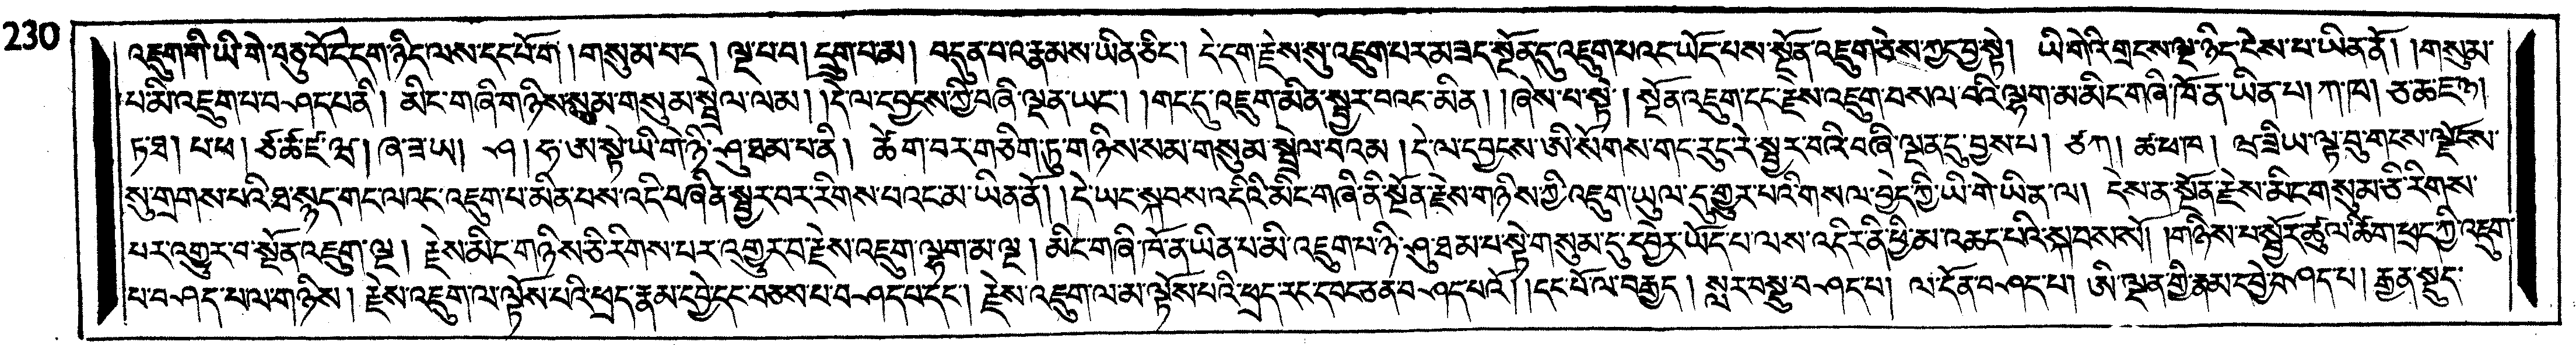འཇུག་གི་ཡི་གེ་བཅུ་བོ་དེ་དག་ཉིད་ལས་དང་པོ་ག །གསུམ་པ་ད་།ལྔ་པ་བ། དྲུག་པ་མ། བདུན་པ་འ་རྣམས་ཡིན་ཅིང་། དེ་དག་རྗེས་སུ་འཇུག་པར་མ་ཟད་སྔོན་དུ་འཇུག་པའང་ཡོད་པས་སྔོན་འཇུག་ཅེས་ཀྱང་བྱ་སྟེ། ཡི་གེའི་གྲངས་ལྔ་ཉིད་ངེས་པ་ཡིན་ནོ། །གསུམ་
པ་མི་འཇུག་པ་བཤད་པ་ནི། མིང་གཞི་གཉིས་སམ་གསུམ་སྦྲེལ་ལམ། །དེ་ལ་དབྱངས་ཀྱི་བཞི་ལྡན་ཡང་། །གང་དུ་འཇུག་མིན་སྦྱར་བའང་མིན། །ཞེས་པ་སྟེ། སྔོན་འཇུག་དང་རྗེས་འཇུག་བསལ་བའི་ལྷག་མ་མིང་གཞི་ཁོ་ན་ཡིན་པ། ཀ་ཁ། ཅ་ཆ་ཇ་ཉ།
ཏ་ཐ། པ་ཕ། ཙ་ཚ་ཛ་ཝ། ཞ་ཟ་ཡ། ཤ། ཧ་ཨ་སྟེ་ཡི་གེ་ཉི་ཤུ་ཐམ་པ་ནི། ཚེག་བར་གཅིག་ཏུ་གཉིས་སམ་གསུམ་སྦྲེལ་བའམ། །དེ་ལ་དབྱངས་ཨི་སོགས་གང་རུང་རེ་སྦྱར་བའི་བཞི་ལྡན་དུ་བྱས་པ། ཙཀ། ཚ་ཕ་ཁ། ཝ་ཟི་ཡ་ལྟ་བུ་གངས་ལྗོངས་
སུ་གྲགས་པའི་ཐ་སྙད་གང་ལའང་འཇུག་པ་མིན་པས་འདི་བཞིན་སྦྱར་བར་རིགས་པའང་མ་ཡིན་ནོ། །དེ་ཡང་སྐབས་འདིའི་མིང་གཞི་ནི་སྔོན་རྗེས་གཉིས་ཀྱི་འཇུག་ཡུལ་དུ་གྱུར་པའི་གསལ་བྱེད་ཀྱི་ཡི་གེ་ཡིན་ལ། དེས་ན་སྔོན་རྗེས་མིང་གསུམ་ཅི་རིགས་
པར་འགྱུར་བ་སྔོན་འཇུག་ལྔ། རྗེས་མིང་གཉིས་ཅི་རིགས་པར་འགྱུར་བ་རྗེས་འཇུག་ལྷག་མ་ལྔ། མིང་གཞི་ཁོ་ན་ཡིན་པ་མི་འཇུག་པ་ཉི་ཤུ་ཐམ་པ་སྟེ་གསུམ་དུ་དབྱེར་ཡོད་པ་ལས་འདིར་ནི་ཕྱི་མ་འཆད་པའི་སྐབས་སོ། །གཉིས་པ་སྦྱོར་ཚུལ་ཚིག་ཕྲད་ཀྱི་འཇུག་
པ་བཤད་པ་ལ་གཉིས། རྗེས་འཇུག་ལ་ལྟོས་པའི་ཕྲད་རྣམ་དབྱེ་དང་བཅས་པ་བཤད་པ་དང་། རྗེས་འཇུག་ལ་མ་ལྟོས་པའི་ཕྲད་རང་དབང་ཅན་བཤད་པའོ། །དང་པོ་ལ་བརྒྱད། སླར་བསྡུ་བཤད་པ། ལ་དོན་བཤད་པ། ཨི་ལྡན་གྱི་རྣམ་དབྱེ་བཤད་པ། རྒྱན་སྡུད་